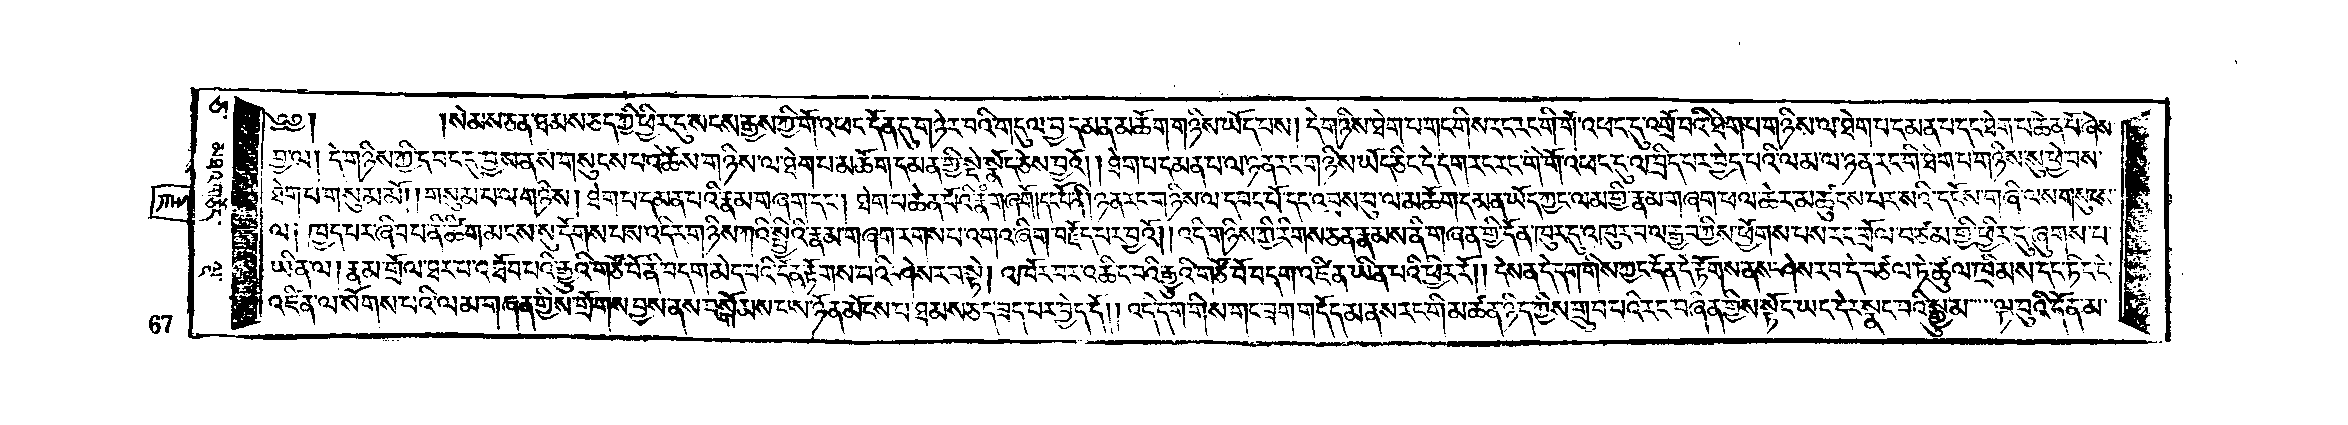༄༅། །སེམས་ཅན་ཐམས་ཅད་ཀྱི་ཕྱིར་དུ་སངས་རྒྱས་ཀྱི་གོ་འཕང་དོན་དུ་གཉེར་བའི་གདུལ་བྱ་དམན་མཆོག་གཉིས་ཡོད་པས། དེ་གཉིས་ཐེག་པ་གང་གིས་རང་རང་གི་གོ་འཕང་དུ་འགྲོ་བའི་ཐེག་པ་གཉིས་ལ་ཐེག་པ་དམན་པ་དང་ཐེག་པ་ཆེན་པོ་ཞེས་
བྱ་ལ། དེ་གཉིས་ཀྱི་དབང་དུ་བྱས་ནས་གསུངས་པའི་ཆོས་གཉིས་ལ་ཐེག་པ་མཆོག་དམན་གྱི་སྡེ་སྣོད་ཅེས་བྱའོ། །ཐེག་པ་དམན་པ་ལ་ཉན་རང་གཉིས་ཡོད་ཅིང་དེ་དག་རང་རང་གི་གོ་འཕང་དུ་འཁྲིད་པར་བྱེད་པའི་ལམ་ལ་ཉན་རང་གི་ཐེག་པ་གཉིས་སུ་ཕྱེ་བས་
ཐེག་པ་གསུམ་མོ། །གསུམ་པ་ལ་གཉིས། ཐེག་པ་དམན་པའི་རྣམ་གཞག་དང་། ཐེག་པ་ཆེན་པོའི་རྣམ་གཞག་གོ །དང་པོ་ནི། ཉན་རང་གཉིས་ལ་དབང་པོ་དང་འབྲས་བུ་ལ་མཆོག་དམན་ཡོད་ཀྱང་ལམ་གྱི་རྣམ་གཞག་ཕལ་ཆེར་མཚུངས་པར་སའི་དངོས་གཞི་ལས་གསུངས་
ལ། ཁྱད་པར་ཞིབ་པ་ནི་ཚིག་མངས་སུ་དོགས་པས་འདིར་གཉིས་ཀའི་སྤྱིའི་རྣམ་གཞག་རགས་པ་འགའ་ཞིག་བརྗོད་པར་བྱའོ། །འདི་གཉིས་ཀྱི་རིགས་ཅན་རྣམས་ནི་གཞན་གྱི་དོན་ཁུར་དུ་འཁུར་བ་ལ་རྒྱབ་ཀྱིས་ཕྱོགས་པས་རང་གྲོལ་བ་ཙམ་གྱི་ཕྱིར་དུ་ཞུགས་པ་
ཡིན་ལ། རྣམ་གྲོལ་ཐར་པ་འཐོབ་པའི་རྒྱུའི་གཙོ་བོ་ནི་བདག་མེད་པའི་དོན་རྟོགས་པའི་ཤེས་རབ་སྟེ། འཁོར་བར་འཆིང་བའི་རྒྱུའི་གཙོ་བོ་བདག་འཛིན་ཡིན་པའི་ཕྱིར་རོ། །དེས་ན་དེ་དག་གིས་ཀྱང་དོན་དེ་རྟོགས་ནས་ཤེས་རབ་དེ་བཙལ་ཏེ་ཚུལ་ཁྲིམས་དང་ཏིང་ངེ་
འཛིན་ལ་སོགས་པའི་ལམ་གཞན་གྱིས་གྲོགས་བྱས་ནས་བསྒོམས་པས་ཉོན་མོངས་པ་ཐམས་ཅད་ཟད་པར་བྱེད་དོ། །འདི་དག་གིས་གང་ཟག་གདོད་མ་ནས་རང་གི་མཚན་ཉིད་ཀྱིས་གྲུབ་པའི་རང་བཞིན་གྱིས་སྟོང་ཡང་དེར་སྣང་བའི་སྒྱུ་མ་ལྟ་བུའི་དོན་མ་